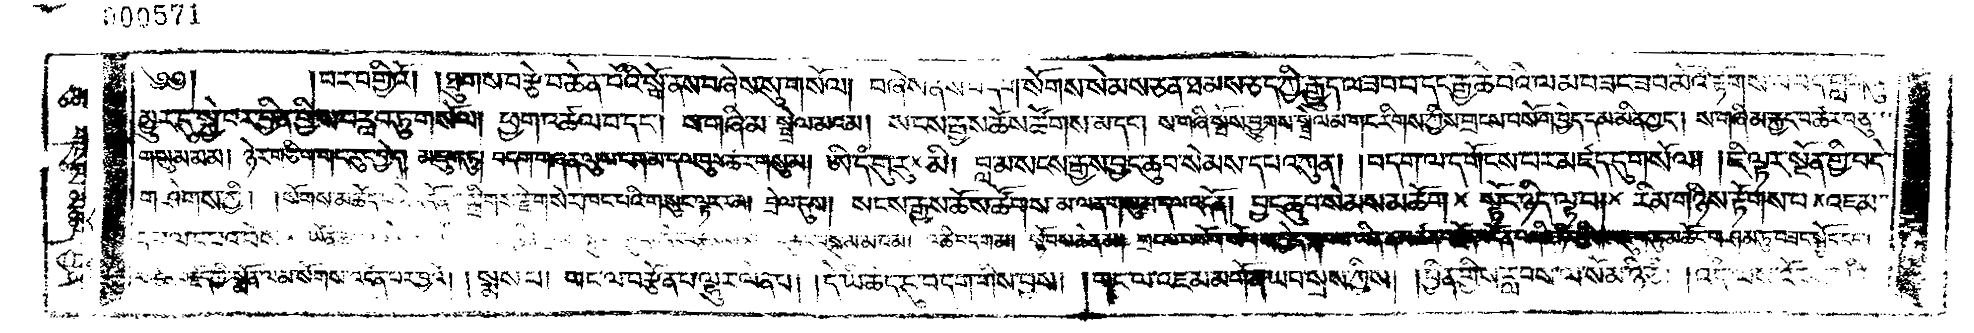༄༅། །བར་བགྱིའོ། །ཐུགས་བརྩེ་བ་ཆེན་པོའི་སྒོ་ནས་བཞེས་སུ་གསོལ། བཞེས་ནས་བདག་སོགས་སེམས་ཅན་ཐམས་ཅད་ཀྱི་རྒྱུད་ལ་ཟབ་པ་དང་རྒྱ་ཆེ་བའི་ལམ་བཟང་ཟབ་མོའི་རྟོགས་པ་བདེ་བླག་ཏུ་
མྱུར་དུ་སྐྱེ་པར་བྱིན་གྱིས་བརླབ་ཏུ་གསོལ། ཕྱག་འཚལ་བ་དང་། ས་གཞི་མ་སྦྲེལ་མའམ། སངས་རྒྱས་ཆོས་ཚོགས་མ་དང་། ས་གཞི་སྤོས་བྱུགས་སྦྲེལ་མ་གང་རིགས་ཀྱིས་གྲངས་བསོག་བྱེད་དམ་མིན་ཀྱང་། ས་གཞི་མ་རྐྱང་བ་ཚར་བཅུ་
གསུམ་མམ། ཉེར་གཅིག་གང་རུང་བྱེད། མཇུག་ཏུ། བདག་གཞན་ལུས་ངག་མ་དལ་བུས་ཚར་གསུམ། ཨི་དཾ་གུ་རུ་྾་མི། བླ་མ་སངས་རྒྱས་བྱང་ཆུབ་སེམས་དཔའ་ཀུན། །བདག་ལ་དགོངས་པར་མཛད་དུ་གསོལ། །ཇི་ལྟར་སྔོན་གྱི་བདེ་
གཤེགས་ཀྱི། ། སོགས་མཆོད་པའི་འདོན་བསྒྲིགས་རྗེ་གསེར་ཁང་པའི་གསུང་ལྟར་རམ། བྲེལ་དུས།  སངས་རྒྱས་ཆོས་ཚོགས་མ་ལན་གསུམ་དལ་འདོན།  བྱང་ཆུབ་སེམས་མཆོག་྾་སྟོང་ཉིད་ལྟ་བ། ྾་རིམ་གཉིས་རྟོགས་པ་྾་འཇམ་
དཔལ་དཔའ་བོས་྾་ཡོན་ཆབ་གཤེགས་བཞིན་པར། བྱིན་རླབས་སྤུངས་ཞུ་དང་དེང་བརྩམས་མ། བརྐྱང་བསྐུམ་མ་འམ། འཆི་བདག་མ། སྟོབས་ཆེན་མ། གྲངས་བསོག་སོགས་བྱེད་སྐབས་ཡིན་ན་མཚན་བརྗོད་འདོན་བཞིན་ཏིང་ཕྱིས། མཇུག་ཏུ་མཆོད་གཤམ་ཏུ་བཟང་སྤྱོད་དང་།
མཚན་བརྗོད་ཀྱི་སྨོན་ལམ་སོགས་འདོན་པར་བྱའོ། །སྨྲས་པ། གང་ལ་བརྩོན་པ་ལྷུར་ལེན་པ། །དེ་ཡི་ཆེད་དུ་བདག་གིས་བྱས། །གང་ལ་འཇམ་མགོན་ཡབ་སྲས་ཀྱིས། །བྱིན་གྱིས་རླབས་ལ་སོམ་ཉི་ཅི། །འདི་ལས་འོངས་པའི་